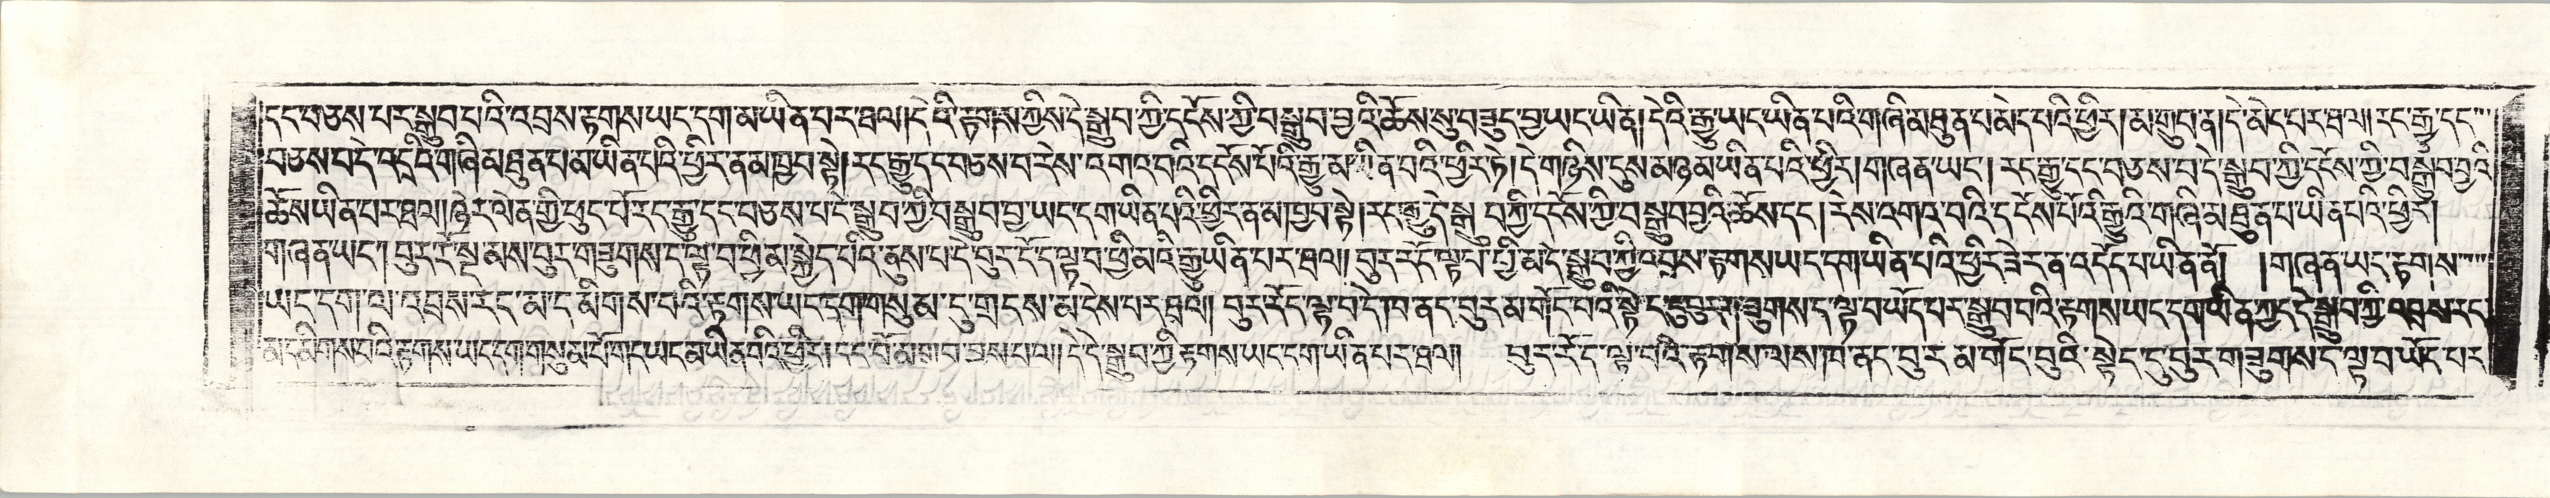དང་བཅས་པར་སྒྲུབ་པའི་འབྲས་རྟགས་ཡང་དག་མ་ཡིན་པར་ཐལ། དེའི་རྟགས་ཀྱིས་དེ་སྒྲུབ་ཀྱི་དངོས་ཀྱི་བསྒྲུབ་བྱའི་ཆོས་སུ་བཟུང་བྱ་ཡང་ཡིན། དེའི་རྒྱུ་ཡང་ཡིན་པའི་གཞི་མཐུན་པ་མེད་པའི་ཕྱིར། མ་གྲུབ་ན། དེ་མེད་པར་ཐལ། རང་རྒྱུ་དང་
བཅས་པ་དེ་འདྲའི་གཞི་མཐུན་པ་མ་ཡིན་པའི་ཕྱིར་ན་མ་ཁྱབ་སྟེ། རང་རྒྱུ་དང་བཅས་པ་རེས་འགའ་བའི་དངོས་པོའི་རྒྱུ་མ་ཡིན་པའི་ཕྱིར་ཏེ། དེ་གཉིས་དུས་མཉམ་ཡིན་པའི་ཕྱིར། གཞན་ཡང་། རང་རྒྱུ་དང་བཅས་པ་དེ་སྒྲུབ་ཀྱི་དངོས་ཀྱི་བསྒྲུབ་བྱའི་
ཆོས་ཡིན་པར་ཐལ། ཉེར་ལེན་གྱི་ཕུང་པོ་རང་རྒྱུ་དང་བཅས་པ་དེ་སྒྲུབ་ཀྱི་བསྒྲུབ་བྱ་ཡང་དག་ཡིན་པའི་ཕྱིར་ན་མ་ཁྱབ་སྟེ། རང་རྒྱུ་དེ་སྒྲུབ་ཀྱི་དངོས་ཀྱི་བསྒྲུབ་བྱའི་ཆོས་དང་། རེས་འགའ་བའི་དངོས་པོའི་རྒྱུའི་གཞི་མཐུན་པ་ཡིན་པའི་ཕྱིར།
གཞན་ཡང་། བུར་རོ་སྔ་མས་བུར་གཟུགས་ད་ལྟ་བ་ཕྱི་མ་སྐྱེད་པའི་ནུས་པ་དེ་བུར་རོ་ད་ལྟ་བ་ཕྱི་མའི་རྒྱུ་ཡིན་པར་ཐལ། །བུར་རོ་ད་ལྟ་བ་ཕྱི་མ་དེ་སྒྲུབ་ཀྱི་འབྲས་རྟགས་ཡང་དག་ཡིན་པའི་ཕྱིར་ཟེར་ན་འདོད་པ་ཡིན་ནོ། །གཞན་ཡང་རྟགས་
ཡང་དག་ལ་འབྲས་རང་མ་དམིགས་པའི་རྟགས་ཡང་དག་གསུམ་དུ་གྲངས་མ་ངེས་པར་ཐལ། བུར་རོ་ད་ལྟ་བ་དེ་ཁ་ནང་བུ་རམ་གོང་བའི་སྟེང་དུ་བུར་གཟུགས་ད་ལྟ་བ་ཡོད་པར་སྒྲུབ་པའི་རྟགས་ཡང་དག་ཡིན་ཀྱང་དེ་སྒྲུབ་ཀྱི་འབྲས་རང་
མ་དམིགས་པའི་རྟགས་ཡང་དག་གསུམ་པོ་གང་ཡང་མ་ཡིན་པའི་ཕྱིར། དང་པོ་མ་གྲུབ་བྱས་པ་ལ། དེ་དེ་སྒྲུབ་ཀྱི་རྟགས་ཡང་དག་ཡིན་པར་ཐལ། བུར་རོ་ད་ལྟ་བའི་རྟགས་ལས་ཁ་ནང་བུ་རམ་གོང་བུའི་སྟེང་དུ་བུར་གཟུགས་ད་ལྟ་བ་ཡོད་པར་